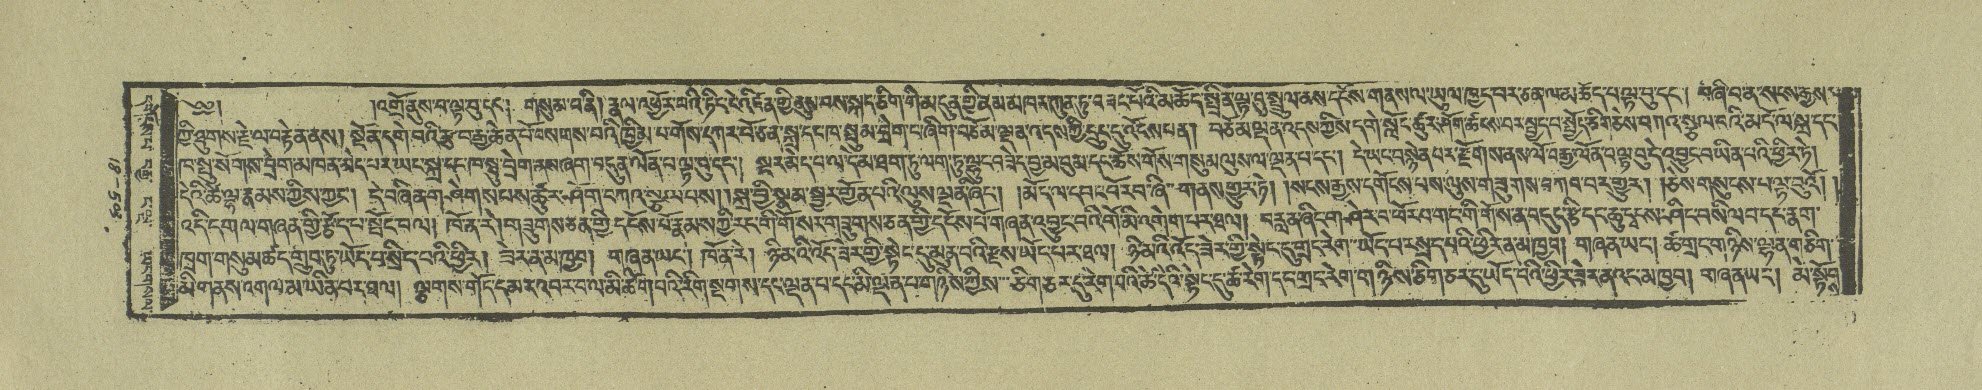༄༅། །འགྲོ་ནུས་པ་ལྟ་བུ་དང་། གསུམ་པ་ནི། རྣལ་འབྱོར་བའི་ཏིང་ངེ་འཛིན་གྱི་ནུས་པས་སྐད་ཅིག་གི་མདུན་གྱི་ནམ་མཁའ་ཀུན་ཏུ་བཟང་པོའི་མཆོད་སྤྲིན་ལྟ་བུ་སྤྲུལ་ནས་དངོས་གནས་ལ་ཡུལ་ཁྱད་པར་ཅན་ལ་མཆོད་པ་ལྟ་བུ་དང་། བཞི་པ་ནི་སངས་རྒྱས་
ཀྱི་ཐུགས་རྗེ་ལ་བརྟེན་ནས། སྔོན་དགེ་བའི་རྩ་བ་རྒྱ་ཆེན་པོ་བསགས་པའི་ཁྱིམ་པ་གོས་དཀར་པོ་ཅན་སྐྲ་དང་ཁ་སྤུ་མ་བྲེག་པ་ཞིག་བཅོམ་ལྡན་འདས་ཀྱི་དྲུང་དུ་འོངས་པ་ན། བཅོམ་ལྡན་འདས་ཀྱིས་དགེ་སློང་ཚུར་ཤོག་ཚངས་པར་སྤྱད་པ་སྤྱོད་ཅིག་ཅེས་བཀའ་སྩལ་བའི་མདོ་ལ་སྐྲ་དང་
ཁ་སྤུ་སོགས་བྲེག་མཁན་མེད་པར་ཡང་སྐྲ་དང་ཁ་སྤུ་བྲེག་ནས་ཞག་བདུན་ལོན་པ་ལྟ་བུ་དང་། སྔར་མེད་པ་ལ་དེ་མ་ཐག་ཏུ་ལག་ཏུ་ལྷུང་བཟེད་བྱ་མ་བུམ་དང་ཆོས་གོས་གསུམ་ལུས་ལ་ལྡན་པ་དང་། དེ་ཡང་བསྙེན་པར་རྫོགས་ནས་ལོ་བརྒྱ་ལོན་པ་ལྟ་བུ་དེ་འབྱུང་བ་ཡིན་པའི་ཕྱིར་ཏེ།
དེའི་ཚེ་ལྷ་རྣམས་ཀྱིས་ཀྱང་། དེ་བཞིན་གཤེགས་པས་ཚུར་ཤོག་བཀའ་སྩལ་པས། །སྐྲ་བྱི་སྣམ་སྦྱར་གྱོན་པའི་ལུས་ལྡན་ཞིང་། །མདོ་ལ་དབང་པོ་རབ་ཞི་གནས་གྱུར་ཏེ། །སངས་རྒྱས་དགོངས་པས་ལུས་གཟུགས་བཀབ་པར་གྱུར། །ཅེས་གསུངས་པ་ལྟ་བུའོ། །
འདི་དག་ལ་གཞན་གྱི་རྩོད་པ་སྤོང་བ་ལ། ཁོ་ན་རེ། གཟུགས་ཅན་གྱི་དངོས་པོ་རྣམས་ཀྱི་རང་གི་གོ་སར་གཟུགས་ཅན་གྱི་དངོས་པོ་གཞན་འབྱུང་བའི་གོ་མི་འགེག་པར་ཐལ། བརླན་ཞིང་གཤེར་བ་ཕོར་བ་གང་གི་གོས་ན་བདུད་རྩི་དང་ཆུ་དྭངས་ཤིང་བསིལ་བ་དང་རྣག་
ཁྲག་གསུམ་ཚད་གྲུབ་ཏུ་ཡོད་པ་སྲིད་པའི་ཕྱིར། ཟེར་ན་མ་ཁྱབ། གཞན་ཡང་། ཁོ་ན་རེ། ཉི་མའི་འོད་ཟེར་གྱི་སྟེང་དུ་མུན་པའི་རྫས་ཡོད་པར་ཐལ། ཉི་མའི་འོད་ཟེར་གྱི་སྟེང་དུ་གྲང་རེག་ཡོད་པར་སྲིད་པའི་ཕྱིར་ན་མ་ཁྱབ། གཞན་ཡང་། ཚ་གྲང་གཉིས་ལྷན་གཅིག་
མི་གནས་འགལ་མ་ཡིན་པར་ཐལ། ལྕགས་གོང་དམར་འབར་བ་ལ་མི་ཚིག་པའི་རིག་སྔགས་དང་ལྡན་པ་དང་མི་ལྡན་པ་གཉིས་ཀྱིས་ཅིག་ཅར་དུ་རེག་པའི་ཆེ་དེའི་སྟེང་དུ་ཚ་རེག་དང་གྲང་རེག་གཉིས་ཅིག་ཅར་དུ་ཡོད་པའི་ཕྱིར་ཟེར་ནའང་མ་ཁྱབ། གཞན་ཡང་། མེ་སྟོགས་